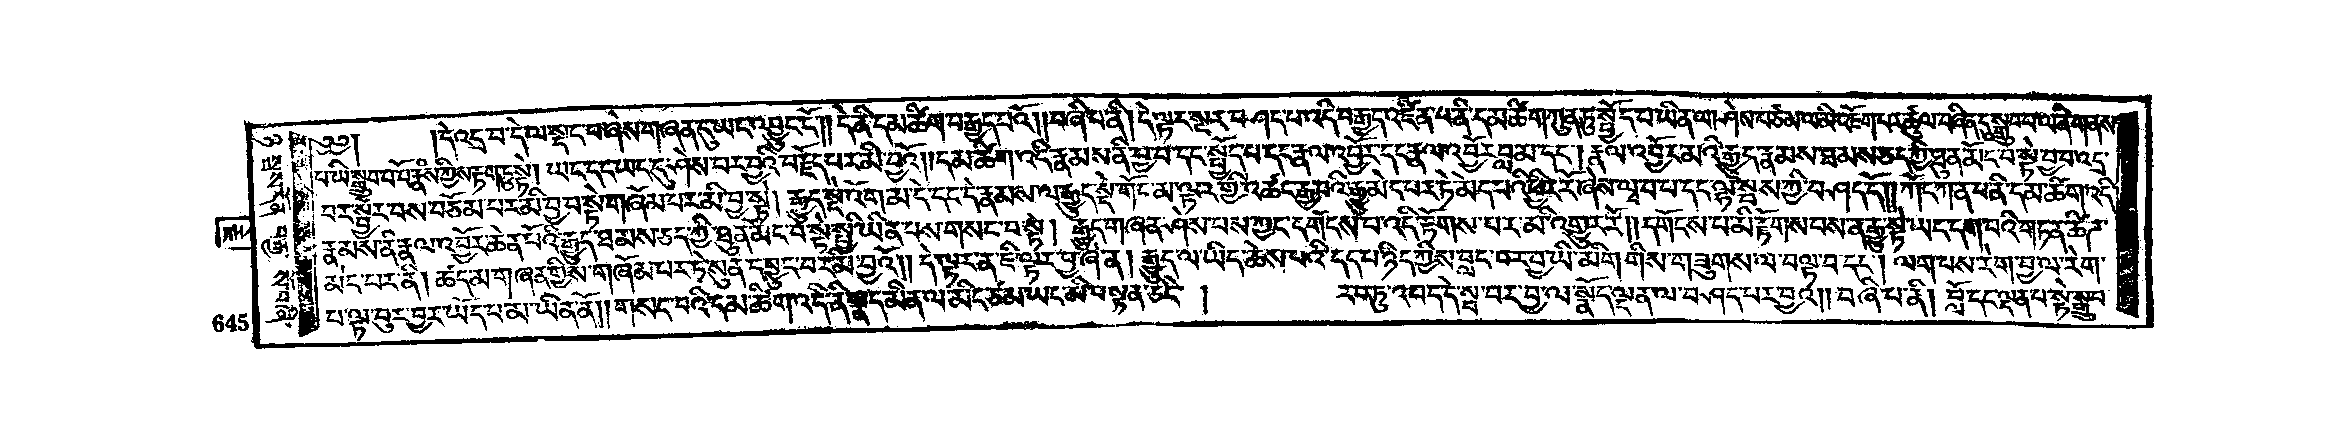༄༅། །དེ་འདྲ་བ་དེ་ལ་སྡང་བ་ཞེས་གཞན་དུ་ཡང་འབྱུང་ངོ། །དེ་ནི་དམ་ཚིག་བརྒྱད་པའོ། །བཞི་པ་ནི། དེ་ལྟར་སྔར་བཤད་པ་འདི་བརྒྱད་འཛིན་པ་ནི་དམ་ཚིག་ཀུན་ཏུ་སྤྱོད་པ་ཡིན་ལ། ཤེས་པ་ཙམ་ལ་མི་འཇོག་པར་ཚུལ་བཞིན་དུ་སྒྲུབ་པ་ལ་ནི་གནས་
པ་ཡི་སྒྲུབ་པ་པོ་རྣམས་ཀྱིས་རྟག་ཏུ་སྟེ། ཡང་དང་ཡང་དུ་ཤེས་པར་བྱའི་བརྗེད་པར་མི་བྱའོ། །དམ་ཚིག་འདི་རྣམས་ནི་བྱ་བ་དང་སྤྱོད་པ་དང་རྣལ་འབྱོར་དང་རྣལ་འབྱོར་བླ་མ་དང་། རྣལ་འབྱོར་མའི་རྒྱུད་རྣམས་ཐམས་ཅད་ཀྱི་ཐུན་མོང་བ་སྟེ་བྱ་བ་འདྲ་
བར་སྦྱོར་བས་བཅོམ་པར་མི་བྱ་བ་སྟེ་གཞོམ་པར་མི་བྱ་སྟེ། རྒྱུད་སྡེ་འོག་མ་དེ་དང་དེ་རྣམས་ལ་རྒྱུད་སྡེ་གོང་མ་ལྟར་གྱི་འཚང་རྒྱ་བའི་རྒྱུ་མེད་པར་ཏེ་མེད་པའི་ཕྱིར་རོ་ཞེས་ལྭ་བ་པ་དང་ལྷ་སྦས་ཀྱི་བཤད་དོ། །ཀོང་ཀ་ན་པ་ནི་དམ་ཚིག་འདི་
རྣམས་ནི་རྣལ་འབྱོར་ཆེན་པོའི་རྒྱུད་ཐམས་ཅད་ཀྱི་ཐུན་མོང་བ་སྟེ་སྤྱི་ཡིན་པས་གསང་བ་སྟེ། རྒྱུད་གཞན་ཤེས་པས་ཀྱང་དགོངས་པ་འདི་རྟོགས་པར་མི་འགྱུར་རོ། །དགོངས་པ་མི་རྟོགས་པས་ན་རྒྱུ་སྟེ་ཡང་དག་པའི་གཏན་ཚིགས་
མེད་པར་ནི། ཚད་མ་གཞན་གྱིས་གཞོམ་པར་ཏི་སུན་དབྱུང་བར་མི་བྱའོ། །དེ་ལྟར་ན་ཇི་ལྟར་བྱ་ཞེ་ན། རྒྱུད་ལ་ཡིད་ཆེས་པའི་དད་པ་ཉིད་ཀྱིས་བླང་བར་བྱ་ཡི་མིག་གིས་གཟུགས་ལ་བལྟ་བ་དང་། ལག་པས་རེག་བྱ་ལ་རེག་
པ་ལྟ་བུར་བྱར་ཡོད་པ་མ་ཡིན་ནོ། །གསང་བའི་དམ་ཚིག་འདི་ནི་སྣོད་མིན་ལ་མིང་ཙམ་ཡང་མི་བསྟན་ཅིང་། རབ་ཏུ་འབད་དེ་སྦ་བར་བྱ་ལ་སྣོད་ལྡན་ལ་བཤད་པར་བྱའོ། །བཞི་པ་ནི། བློ་དང་ལྡན་པ་སྟེ་སྒྲུབ་